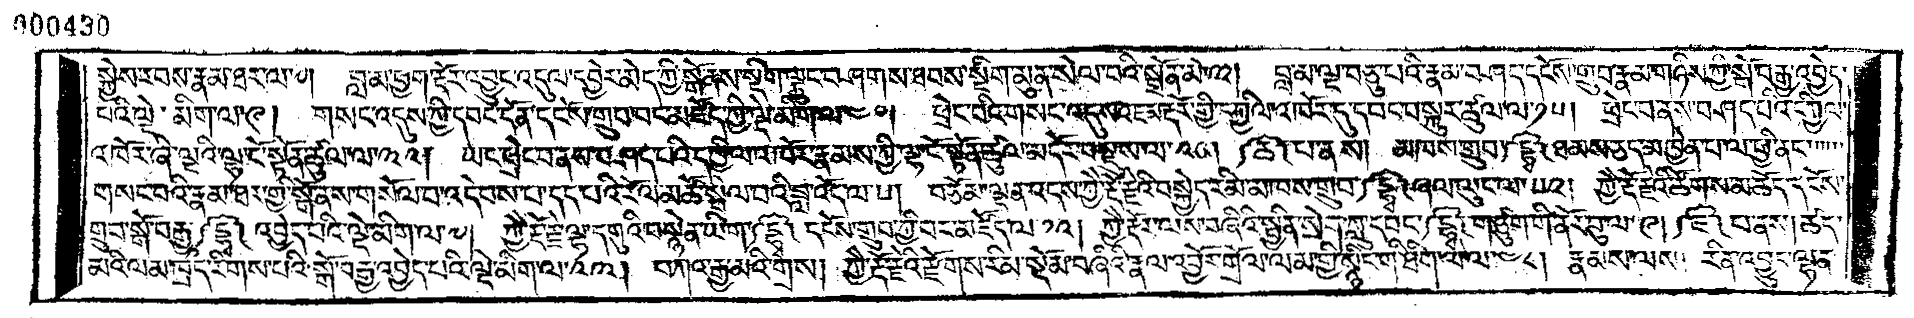སྐྱེས་རབས་རྣམ་ཐར་ལ ༧། བླ་མ་ཕྱག་རྡོར་འབྱུང་འདུལ་དབྱེར་མེད་ཀྱི་སྒོ་ནས་སྡིག་ལྟུང་བཤབས་ཐབས་སྡིག་མུན་སེལ་བའི་སྒྲོན་མེ ༣། བླ་མ་ལྔ་བཅུ་པའི་རྣམ་བཤད་དངོས་གྲུབ་རྣམ་གཉིས་ཀྱི་སྒོ་བརྒྱ་འབྱེད་
པའི་ལྡེ་མིག་ལ ༩། གསང་འདུས་ཀྱི་དབང་དོན་དངོས་གྲུབ་བང་མཛོད་ཀྱི་ལྡེ་མིག་ལ ༤༠། ཕྲེང་བའི་གསང་འདུས་འཇམ་རྡོར་གྱི་དཀྱིལ་འཁོར་དུ་དབང་བསྐུར་ཚུལ་ལ ༡༥། ཕྲེང་བ་ནས་བཤད་པའི་དཀྱིལ་
འཁོར་ཞེ་ལྔའི་ལྷ་ངོ་སྟོན་ཚུལ་ལ ༣༢། ཡང་ཕྲེང་བ་ནས་བཤད་པའི་དཀྱིལ་འཁོར་རྣམས་ཀྱི་ལྷ་ངོ་སྟོན་ཚུལ་མདོར་བསྡུས་ལ ༢༦། ༼ཆ༽ པ་ནས། མཁས་གྲུབ། ༼དྷྭ༽ ཐམས་ཅད་མཁྱེན་པ་ལ་ཕྱི་ནང་
གསང་བའི་རྣམ་ཐར་གྱི་སྒོ་ནས་གསོལ་བ་འདེབས་པ་དད་པའི་རོལ་མཚོ་སྦེལ་བའི་ཟླ་འོད་ལ ༥། བཅོམ་ལྡན་འདས་ཀྱཻ་རྡོ་རྗེའི་བསྐྱེད་རིམ་མཁས་གྲུབ ༼དྷྭ༽ ཞལ་ལུང་ལ ༥༢། ཀྱཻ་རྡོ་རྗེའི་ཚོགས་མཆོད་དངོས་
གྲུབ་སྒོ་བརྒྱ ༼དྷྭ༽ འབྱེད་པའི་ལྡེ་མིག་ལ ༧། ཀྱཻ་རྡོ་རྗེ་ལྷ་དགུའི་བསྙེན་ཡིག ༼དྷྭ༽ དངོས་གྲུབ་ཀྱི་བང་མཛོད་ལ ༡༢། ཀྱཻ་རྡོ་ལས་བཞིའི་སྦྱིན་སྲེག་ཀླུ་དབང ༼དྷྭ༽ གཙུག་གི་ནོར་བུ་ལ ༩། ༼ཇ༽ པ་ནས། ཚད་
མའི་ལམ་ཁྲྀད་རིགས་པའི་སྒོ་བརྒྱ་འབྱེད་པའི་ལྡེ་མིག་ལ ༢༣། བཀའ་རྒྱ་མའི་གྲས། ཀྱཻ་རྡོ་རྗེའི་རྫོགས་རིམ་སྡོམ་བཞིའི་རྣལ་འབྱོར་གྲོལ་ལམ་གྱི་སྙིང་གི་ཐིག་ལེ་ལ ༤༨། རྣམས་ལས། རིན་འབྱུང་ལྷན་